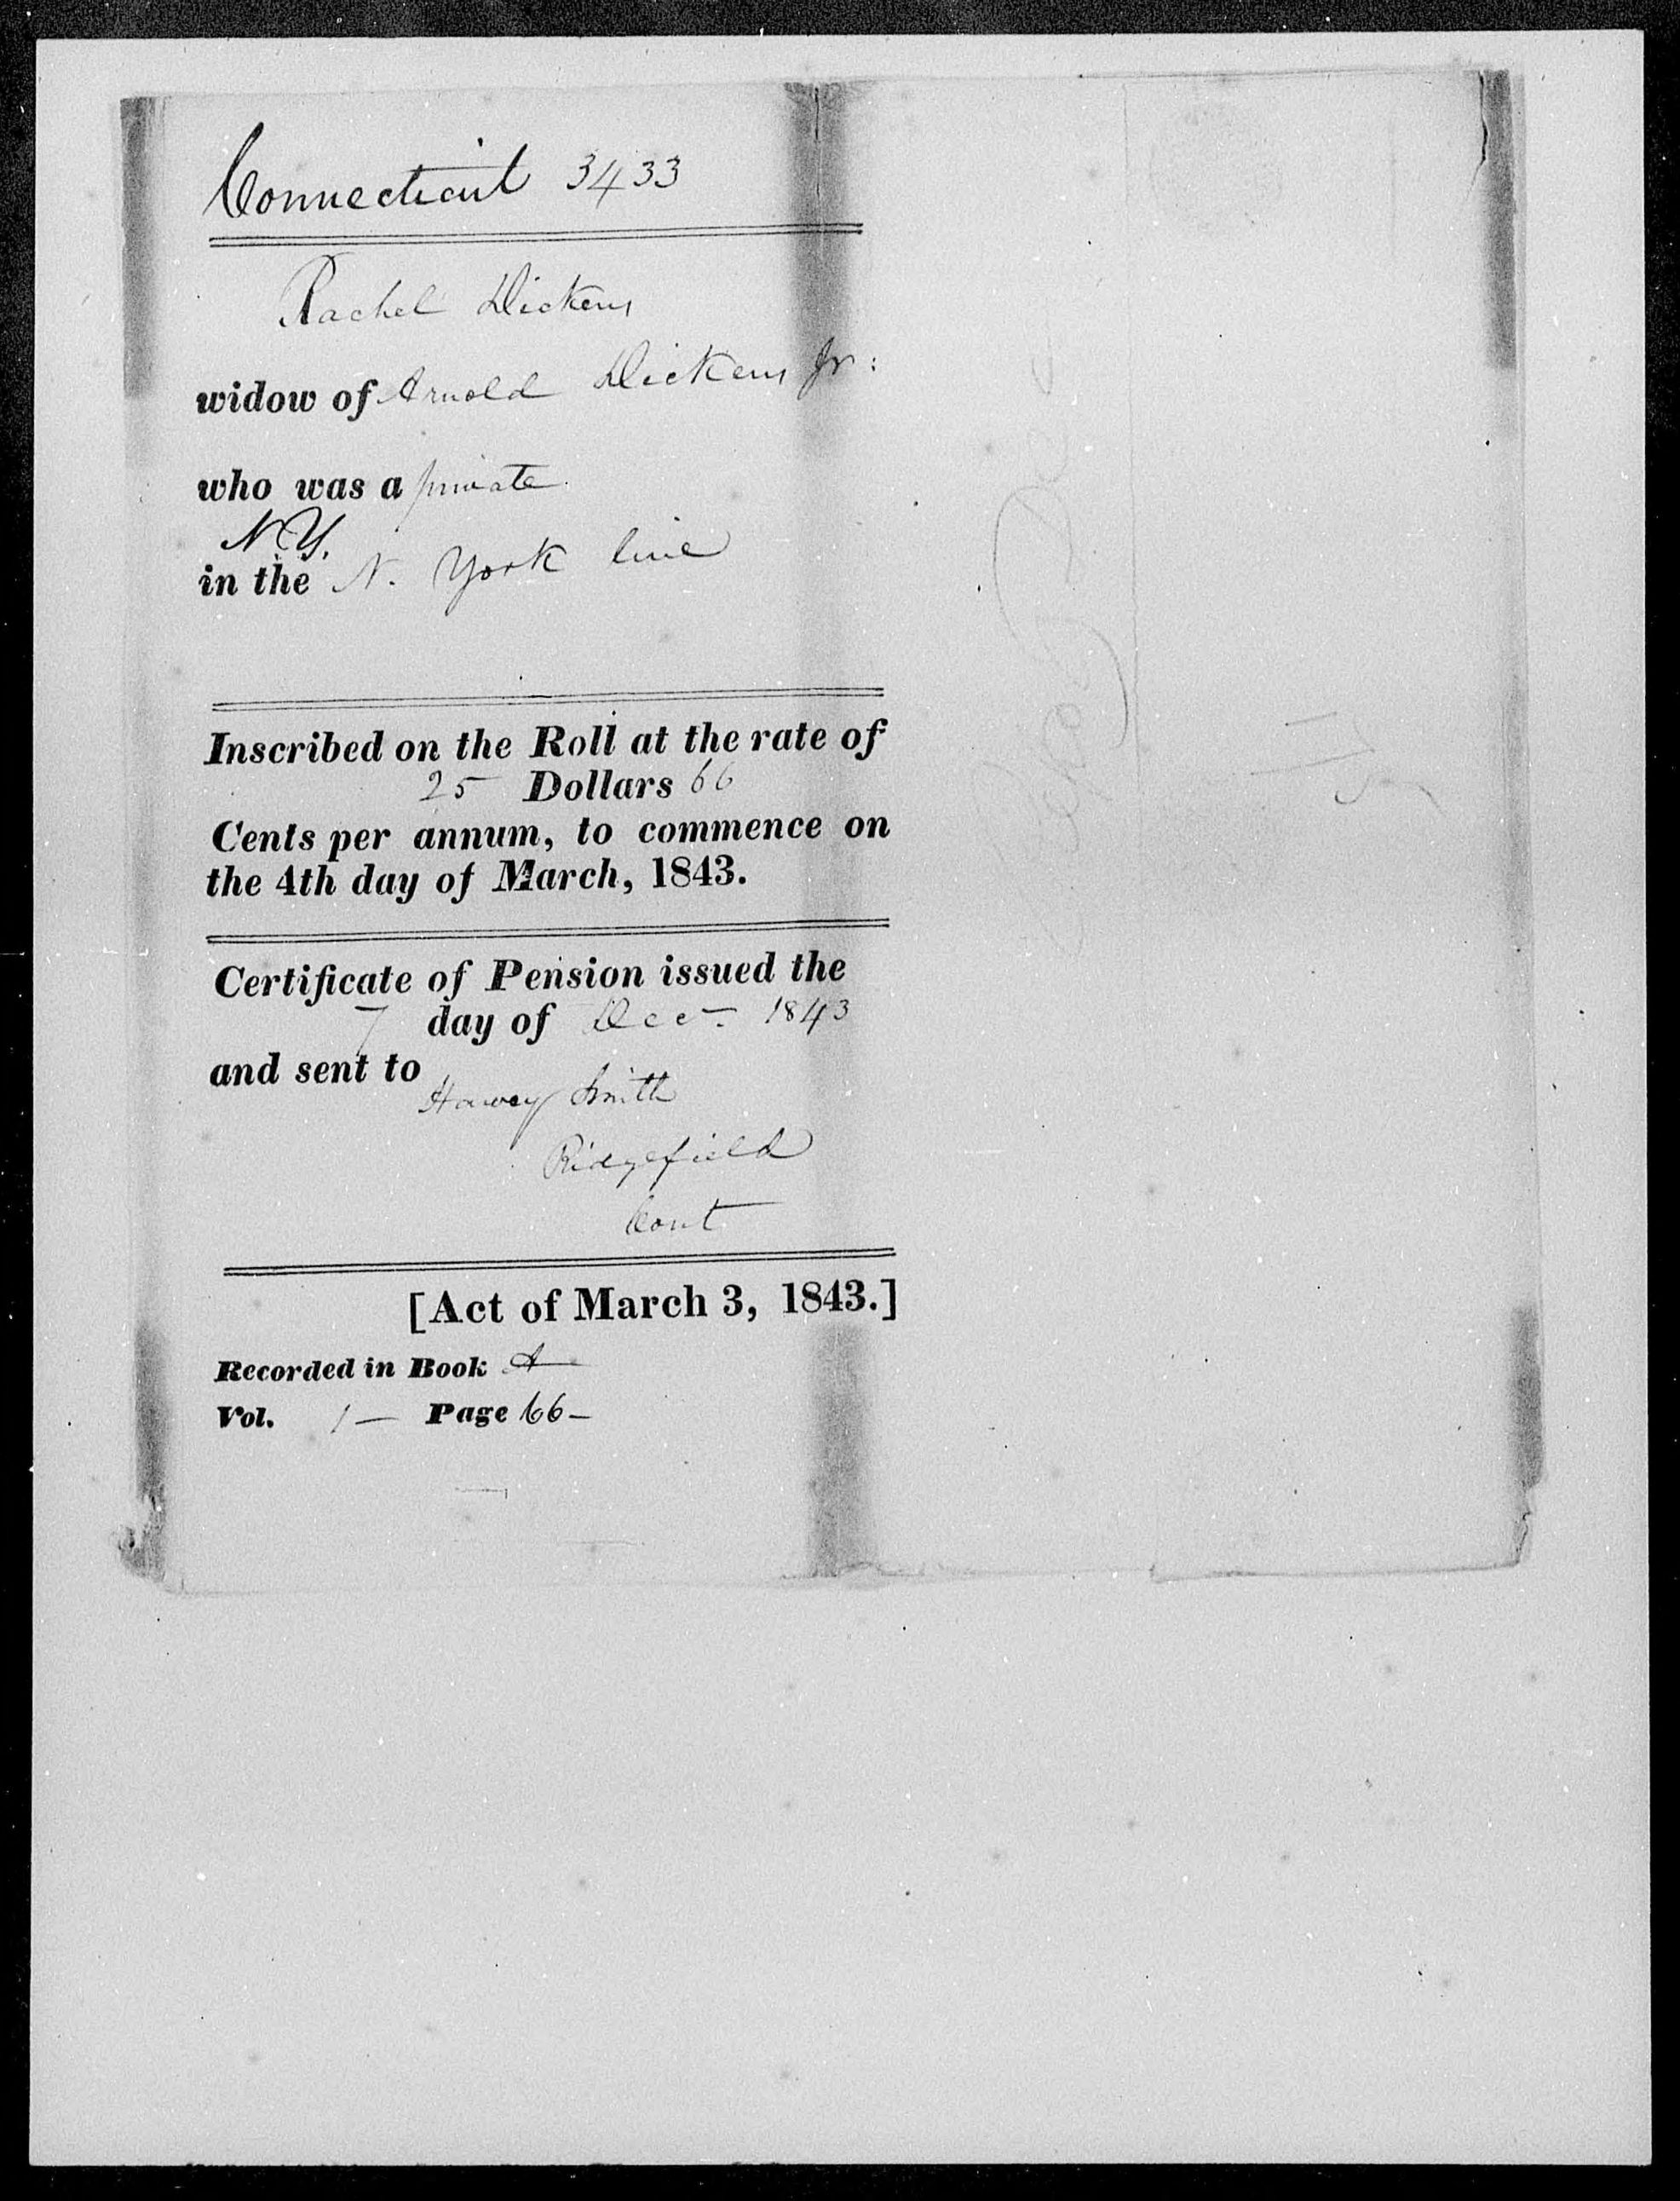Connecticut 3433

Rachel Dickens
widow of Arnold Dickens Jr:
who was a private  N, Y. in the N. York line

Inscribed on the Roll at the rate of 25 Dollars 66 Cents per annum, to commence on the 4th day of March, 1843.

Certificate of Pension issued the 7 day of Dec. 1843 and sent to Harvey Smith
Ridgefield Cont

[Act of March 3, 1843.]
Recorded in Book A
Vol. 1  Page 66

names: Arnold Dickens, Harvey Smith, Rachel Dickens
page: 2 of 29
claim: widow's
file: W. 17720, Arnold Dickens, New York